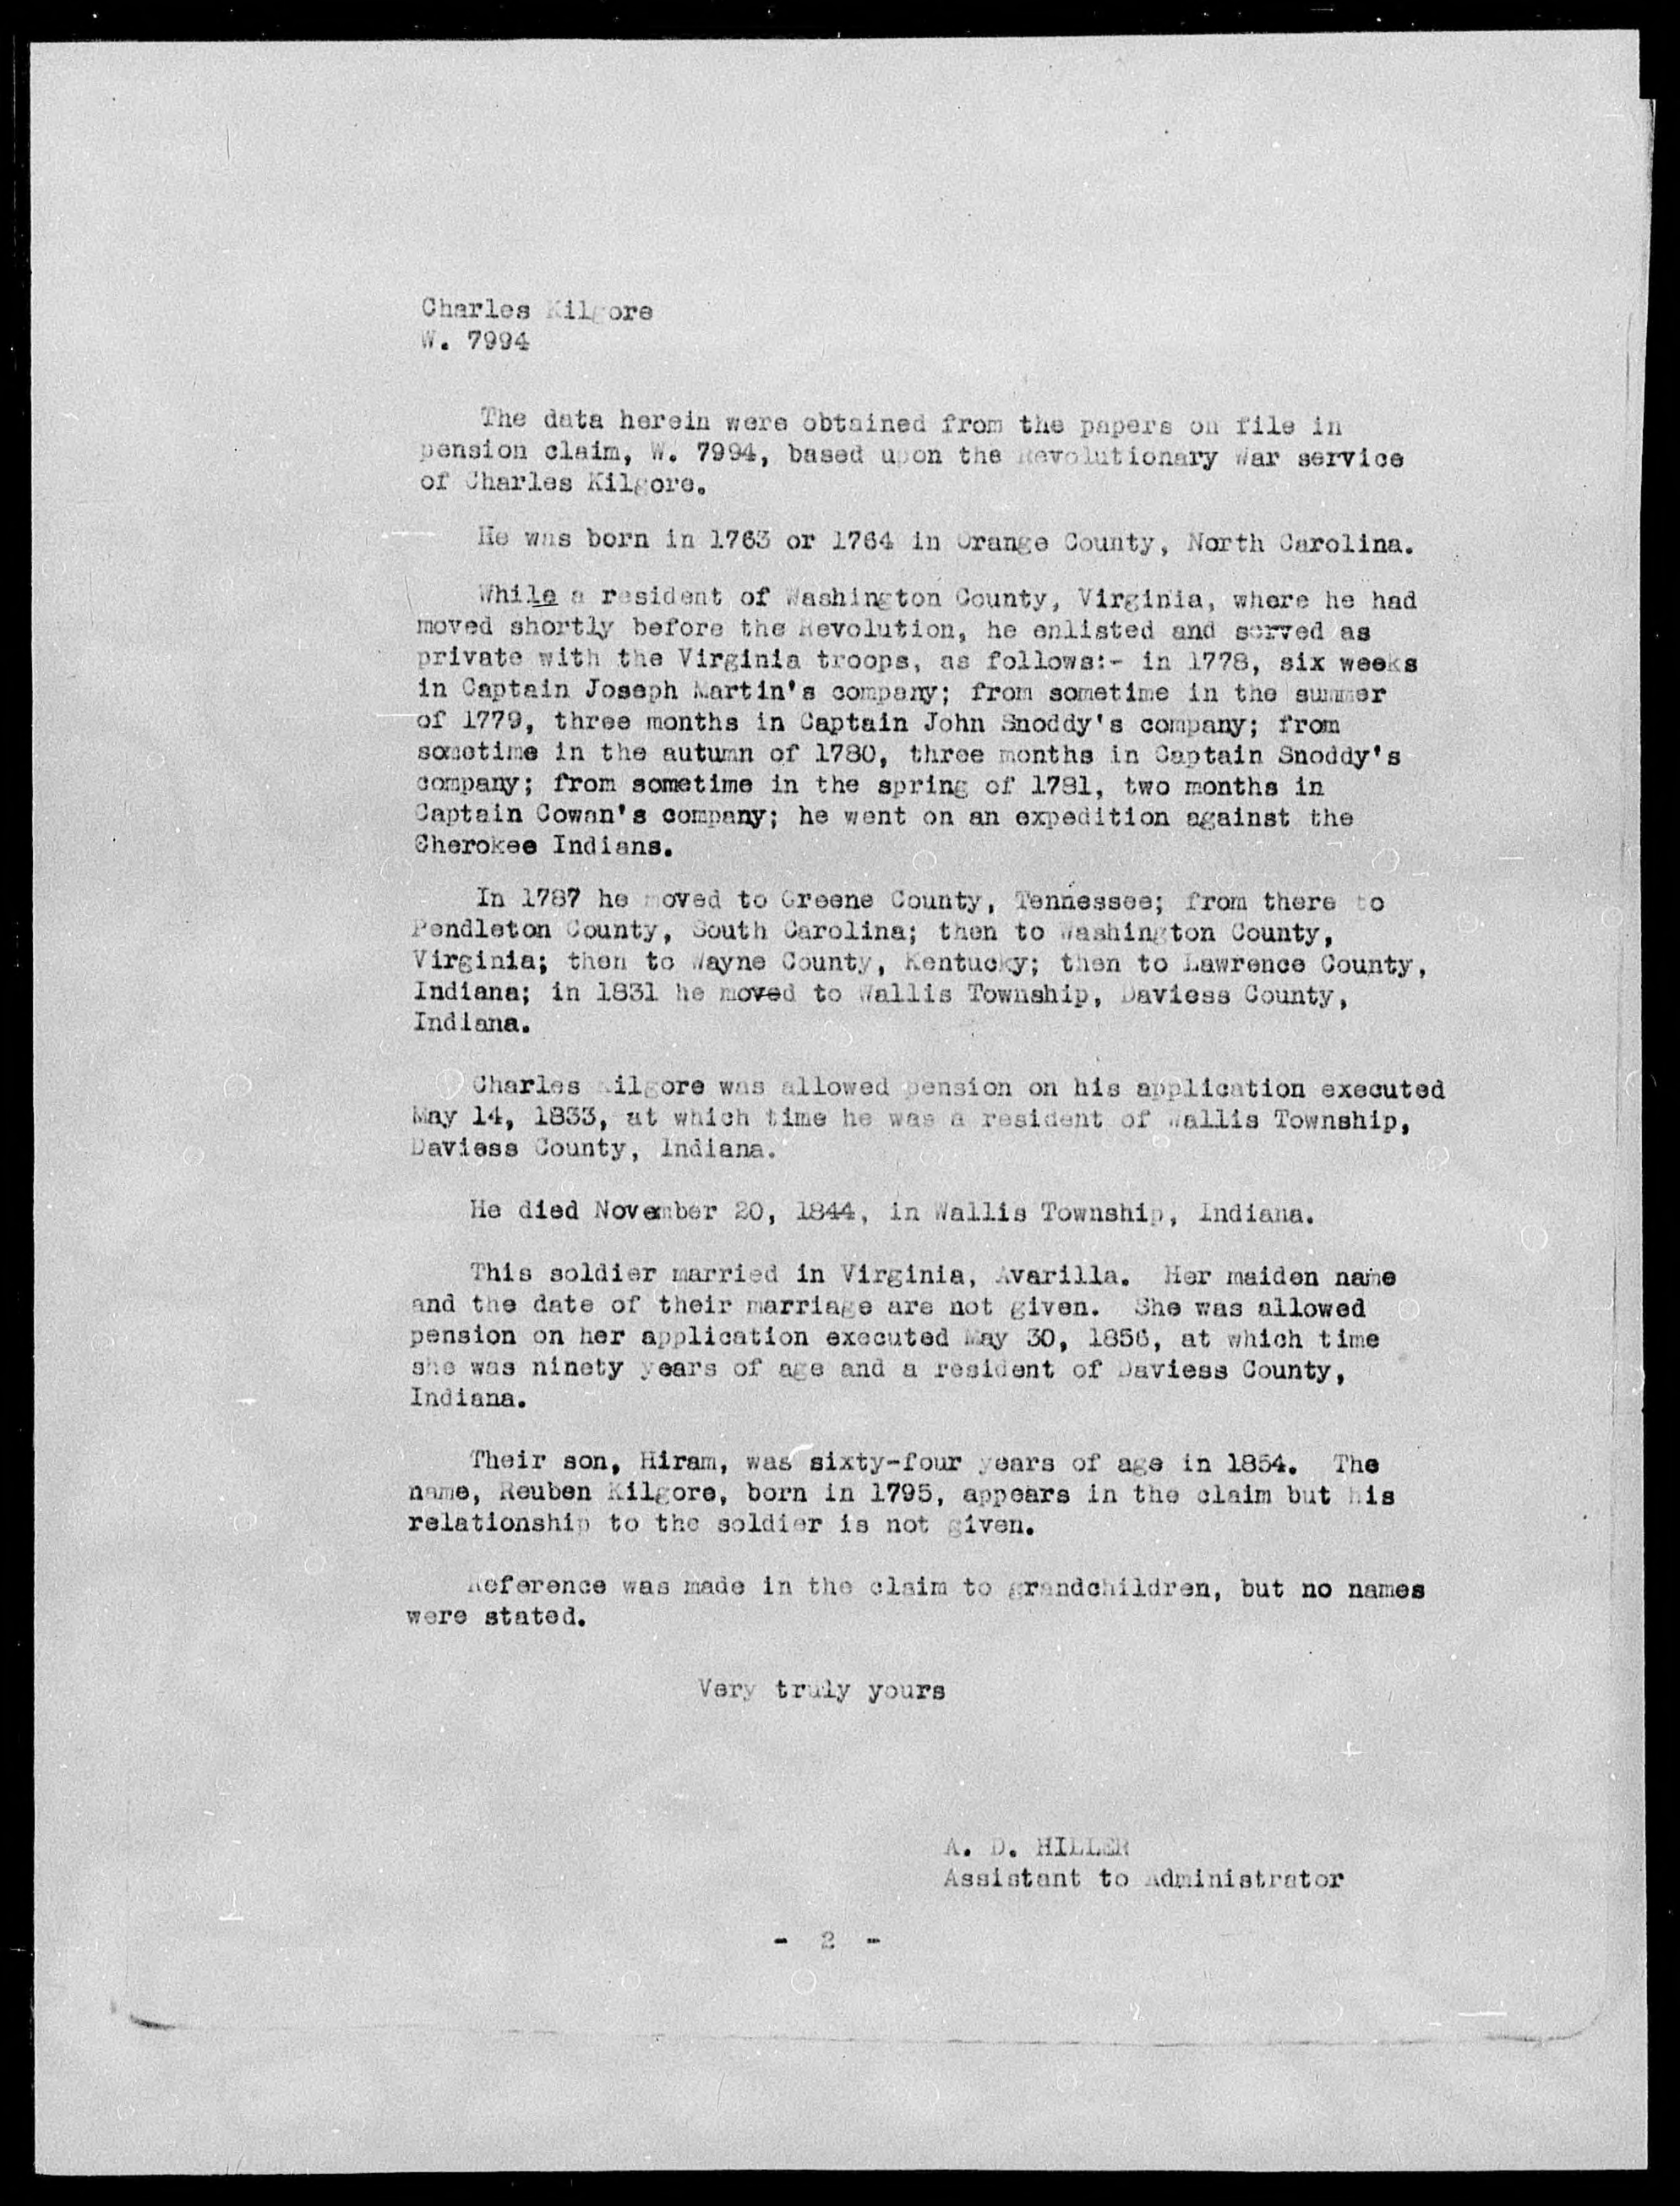Charles Kilgore
W. 7994
The data herein were obtained from the papers on file in pension claim, W. 7994, based upon the Revolutionary War service of Charles Kilgore.
He was born in 1763 or 1764 in Orange County, North Carolina.
While a resident of Washington County, Virginia, where he had moved shortly before the Revolution, he enlisted and served as private with the Virginia troops, as follows:- in 1778, six weeks in Captain Joseph Martin's company; from sometime in the summer of 1779, three months in Captain John Snoddy's company; from sometime in the autumn of 1780, three months in Captain Snoddy's company; from sometime in the spring of 1781, two months in Captain Cowan's company; he went on an expedition against the Cherokee Indians.
In 1787 he moved to Greene County, Tennessee; from there to Pendleton County, South Carolina; then to Washington County, Virginia; then to Wayne County, Kentucky; then to Lawrence County Indiana; in 1831 he moved to Wallis Township, Daviess County, Indiana.
Charles Kilgore was allowed pension on his application executed May 14, 1833, at which time he was a resident of Wallis Township, Daviess County, Indiana.
He died November 20, 1844, in Wallis Township, Indiana.
This soldier married in Virginia, Avarilla. Her maiden name and the date of their marriage are not given. She was allowed pension on her application executed May 30, 1856, at which time she was ninety years of age and a resident of Daviess County, Indiana.
Their son, Hiram, was sixty-four years of age in 1854. The name, Reuben Kilgore, born in 1795, appears in the claim but his relationship to the soldier is not given.
Reference was made in the claim to grandchildren, but no names were stated.
Very truly yours
A. D. HILLER
Assistant to Administrator
- 2 -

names: A D Hiller; Hiram [BLANK]; Reuben Kilgore; Charles Kilgore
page: 13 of 115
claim: survivor's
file: S. 699, for Charles Kilgore, Virginia